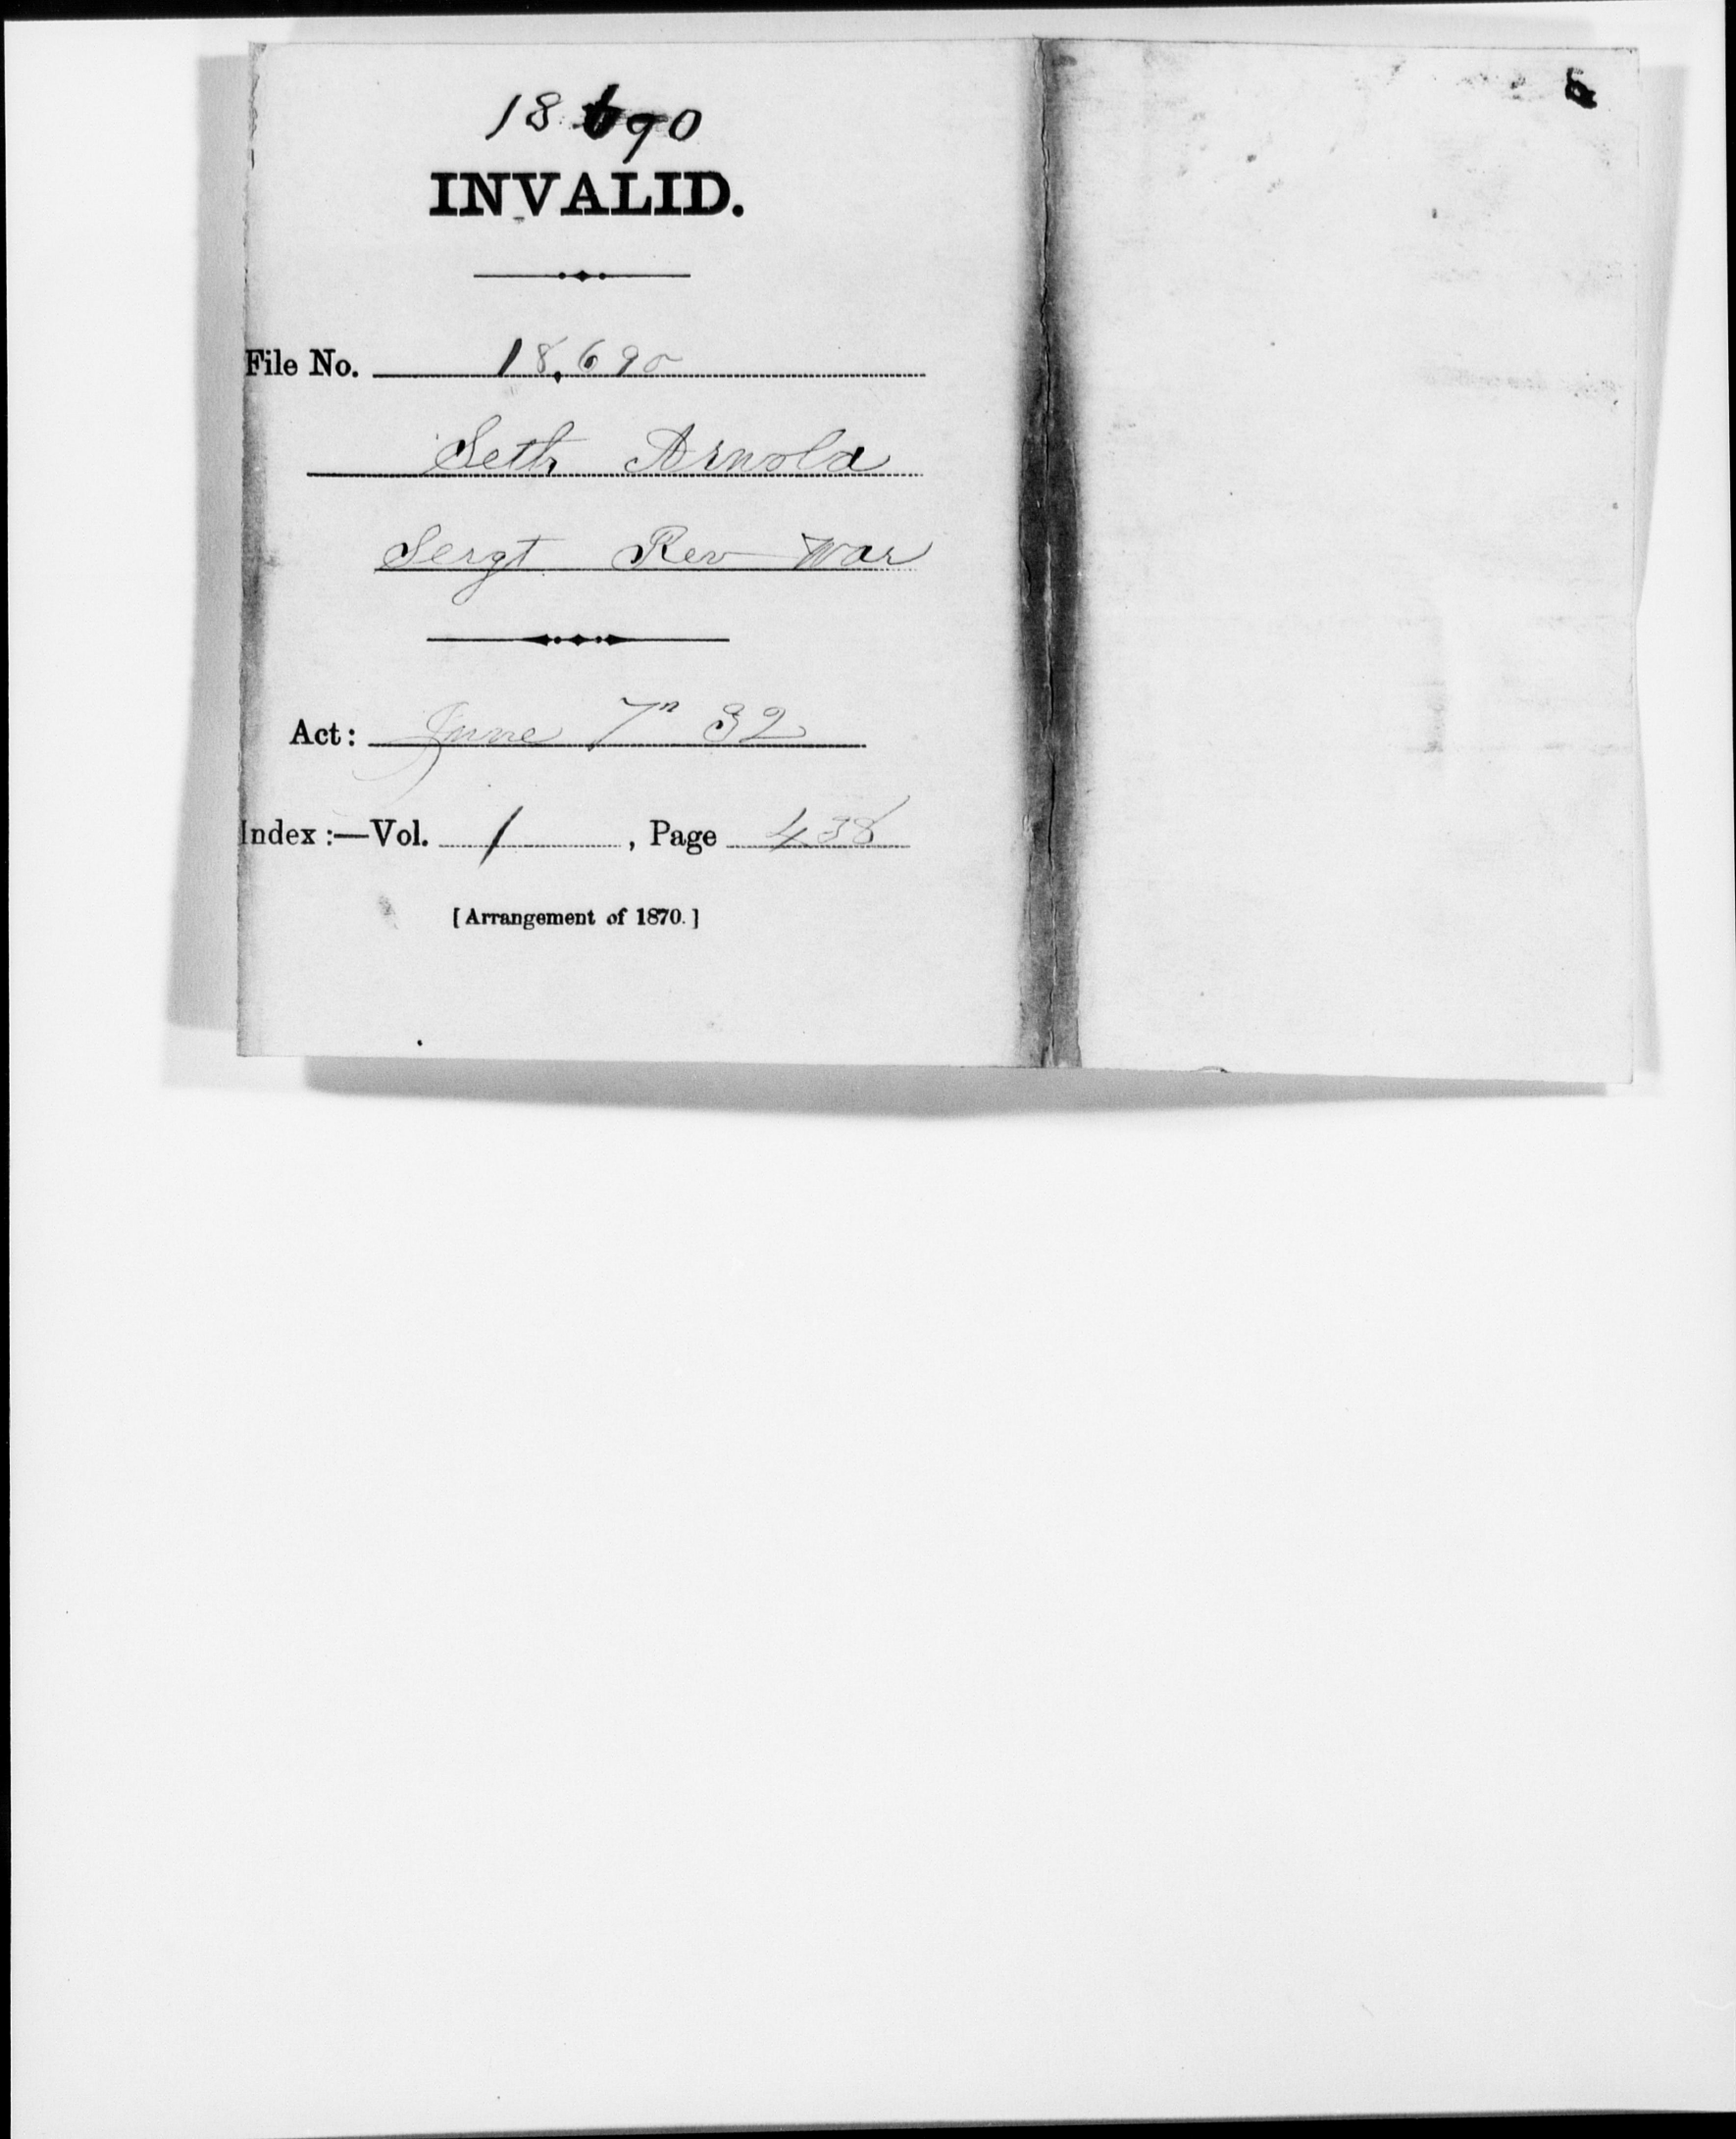18690
INVALID.

File No. 18690
Seth Arnold
Sergt Rev War 

Act: June 7th 32
Index : - Vol. 1, Page 438

{Arrangement of 1870.}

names: Seth Arnold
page: 9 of 9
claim: survivor's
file: S. 18690, Seth Arnold, Conn. Privateer